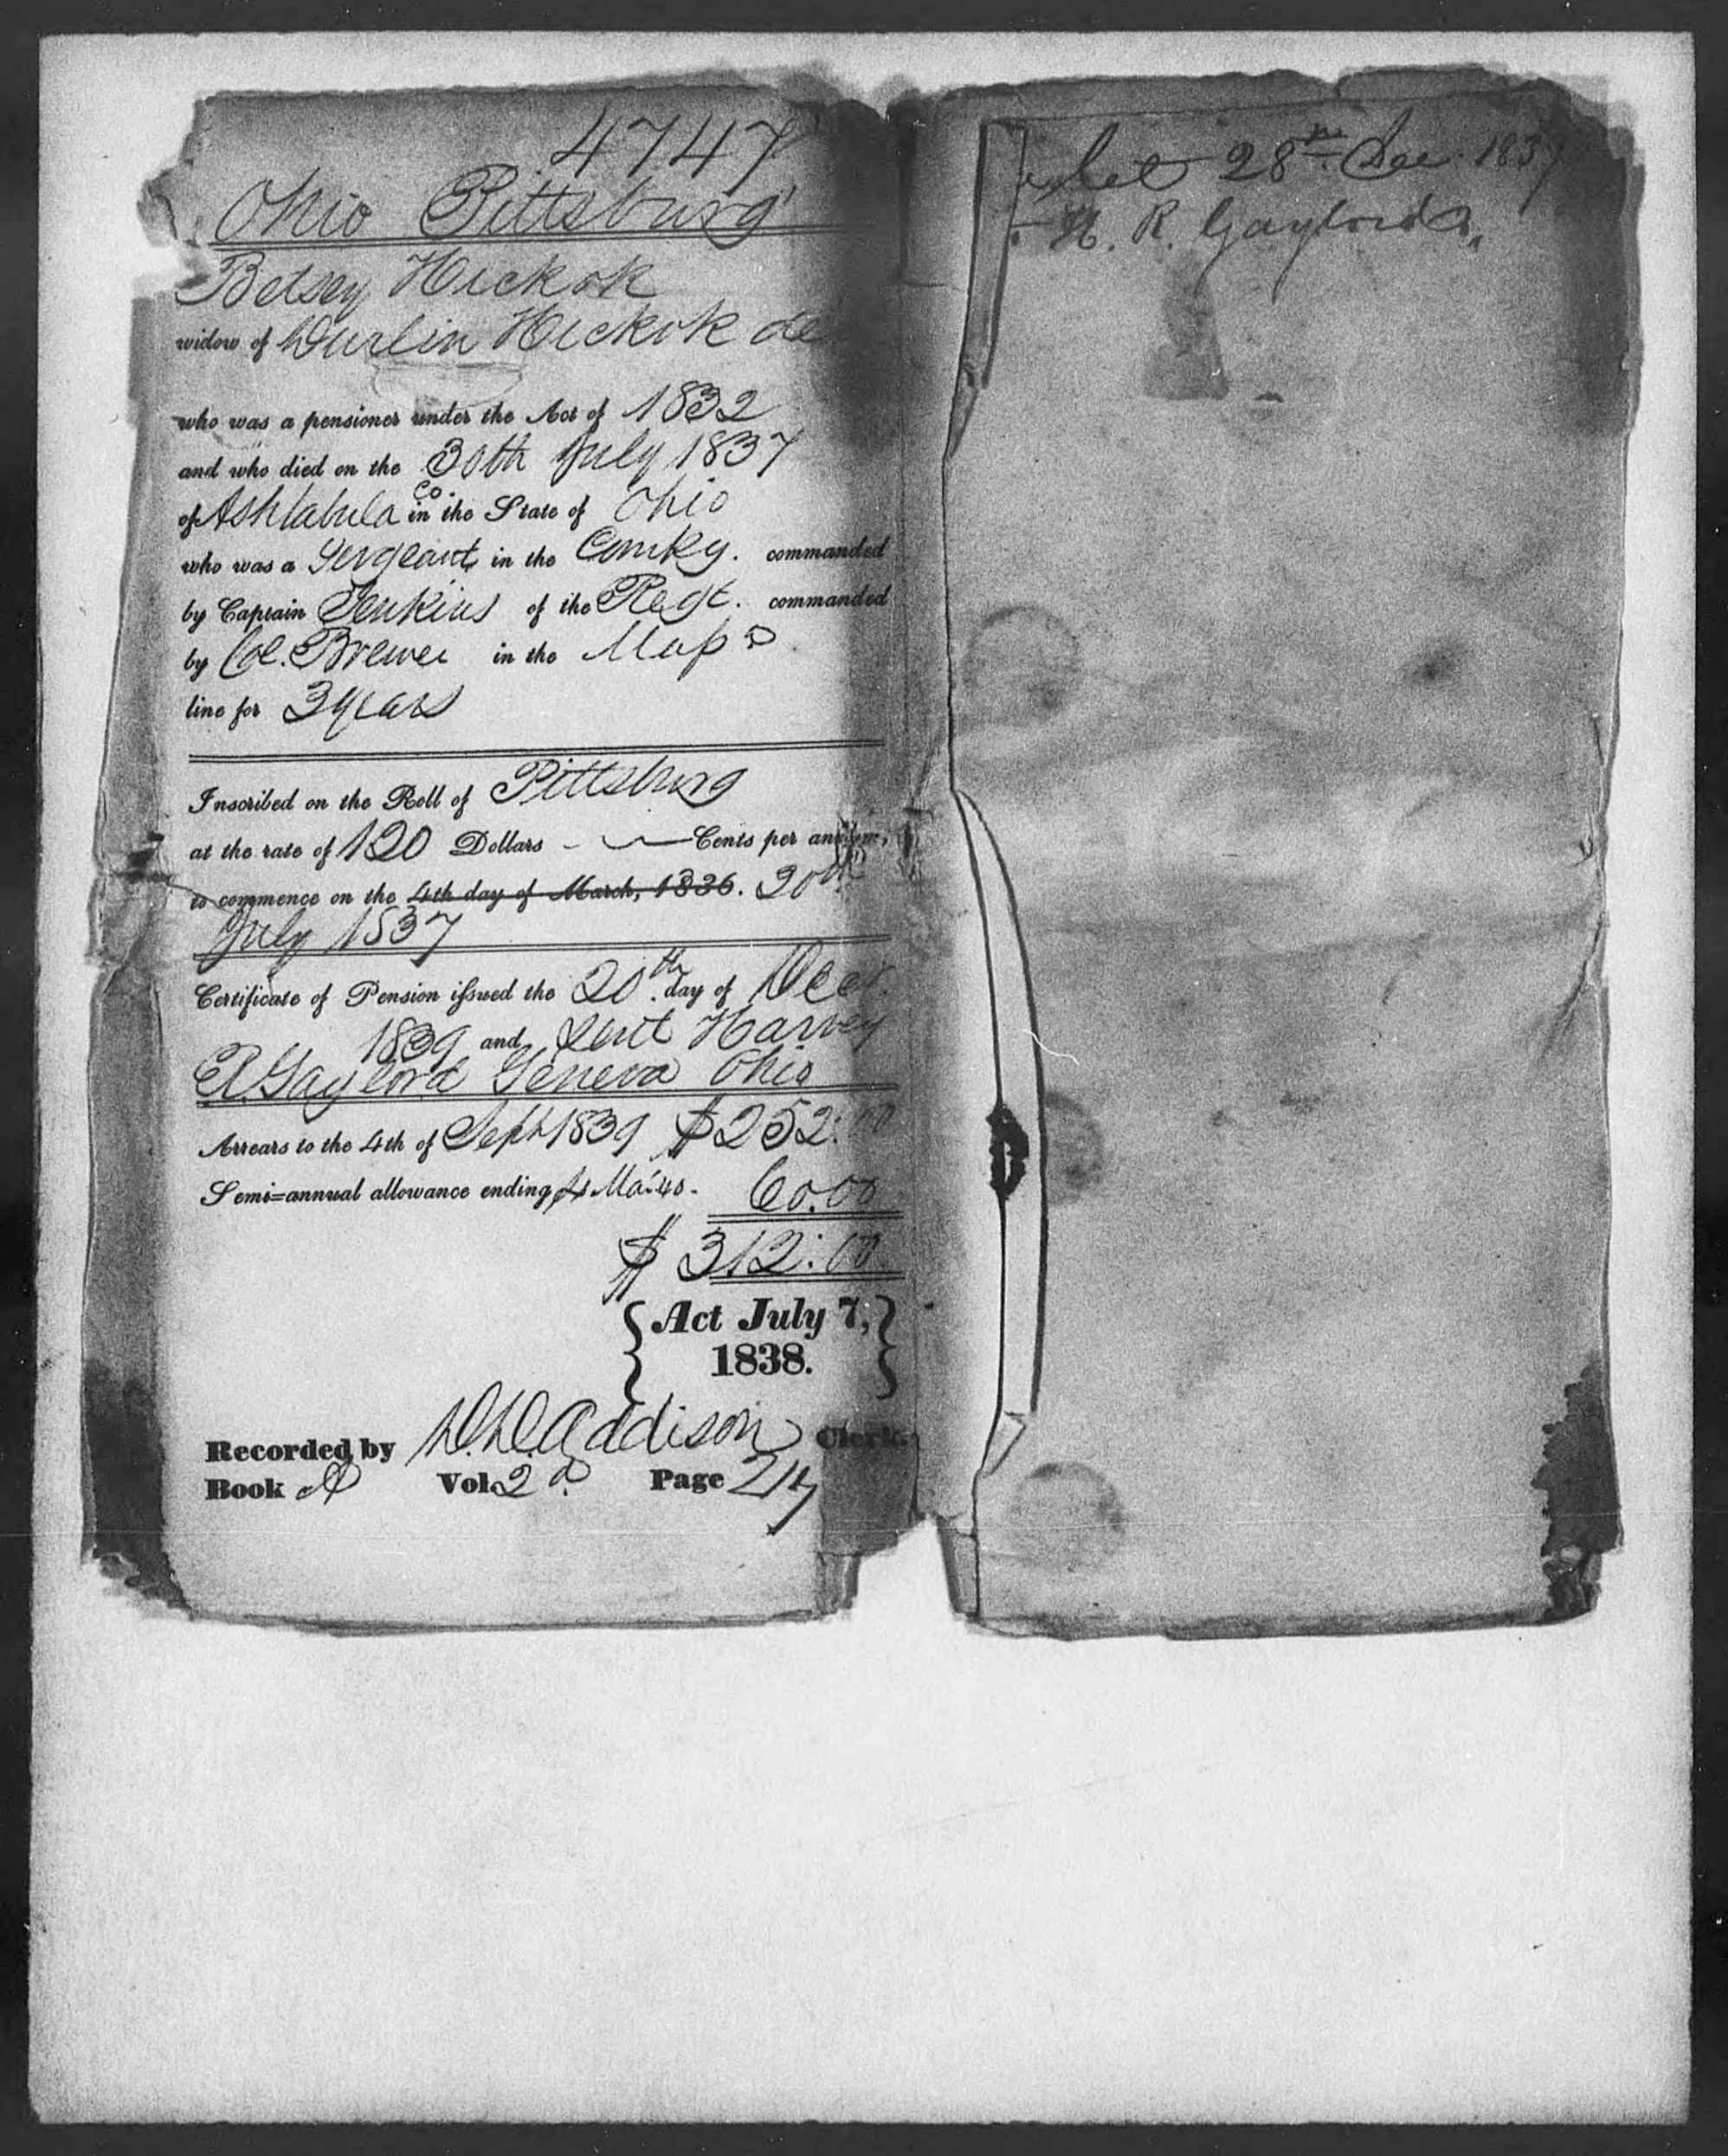4747
Ohio Pittsburg

Betsy Hickock
Widow of Durlin Hickock [illegible]
Who was a pensioner under the Act of 1832
And who died on the 30th July 1837
Of Ashlabula Co.  in the State of Ohio
Who was a Sergeant in the Compy. Commanded
By Captain Jenkins of the Regt. Commanded
By Col. Brewer in the Mass.
Line for 3 years

Inscribed on the Roll of Pittsburg
At the rate of 120 dollars no cents per annum.
To commence on the {(crossed out) 4th day of March 1836} 20th
July 1837

Certificate of Pension issued the 20th day of Dec.
1839 and sent to Harvey E. Gaylord Geneva Ohio

Arrears to the 4th of Sept. 1839 $252.00
Semi=annual allowance ending 4May 40 60.00
$312.00

{Act July 7, 1838}

Recorded by D.D. Addison, Clerk
Book A Vol 2 Page 217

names: Brewer, Darlin Hickok, H R Gaylord, Jenkins, Harvey R Gaylord, Betsey Hickok, D D Addison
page: 3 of 45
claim: widow's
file: W. 4988, Durlin Hickok, Mass.